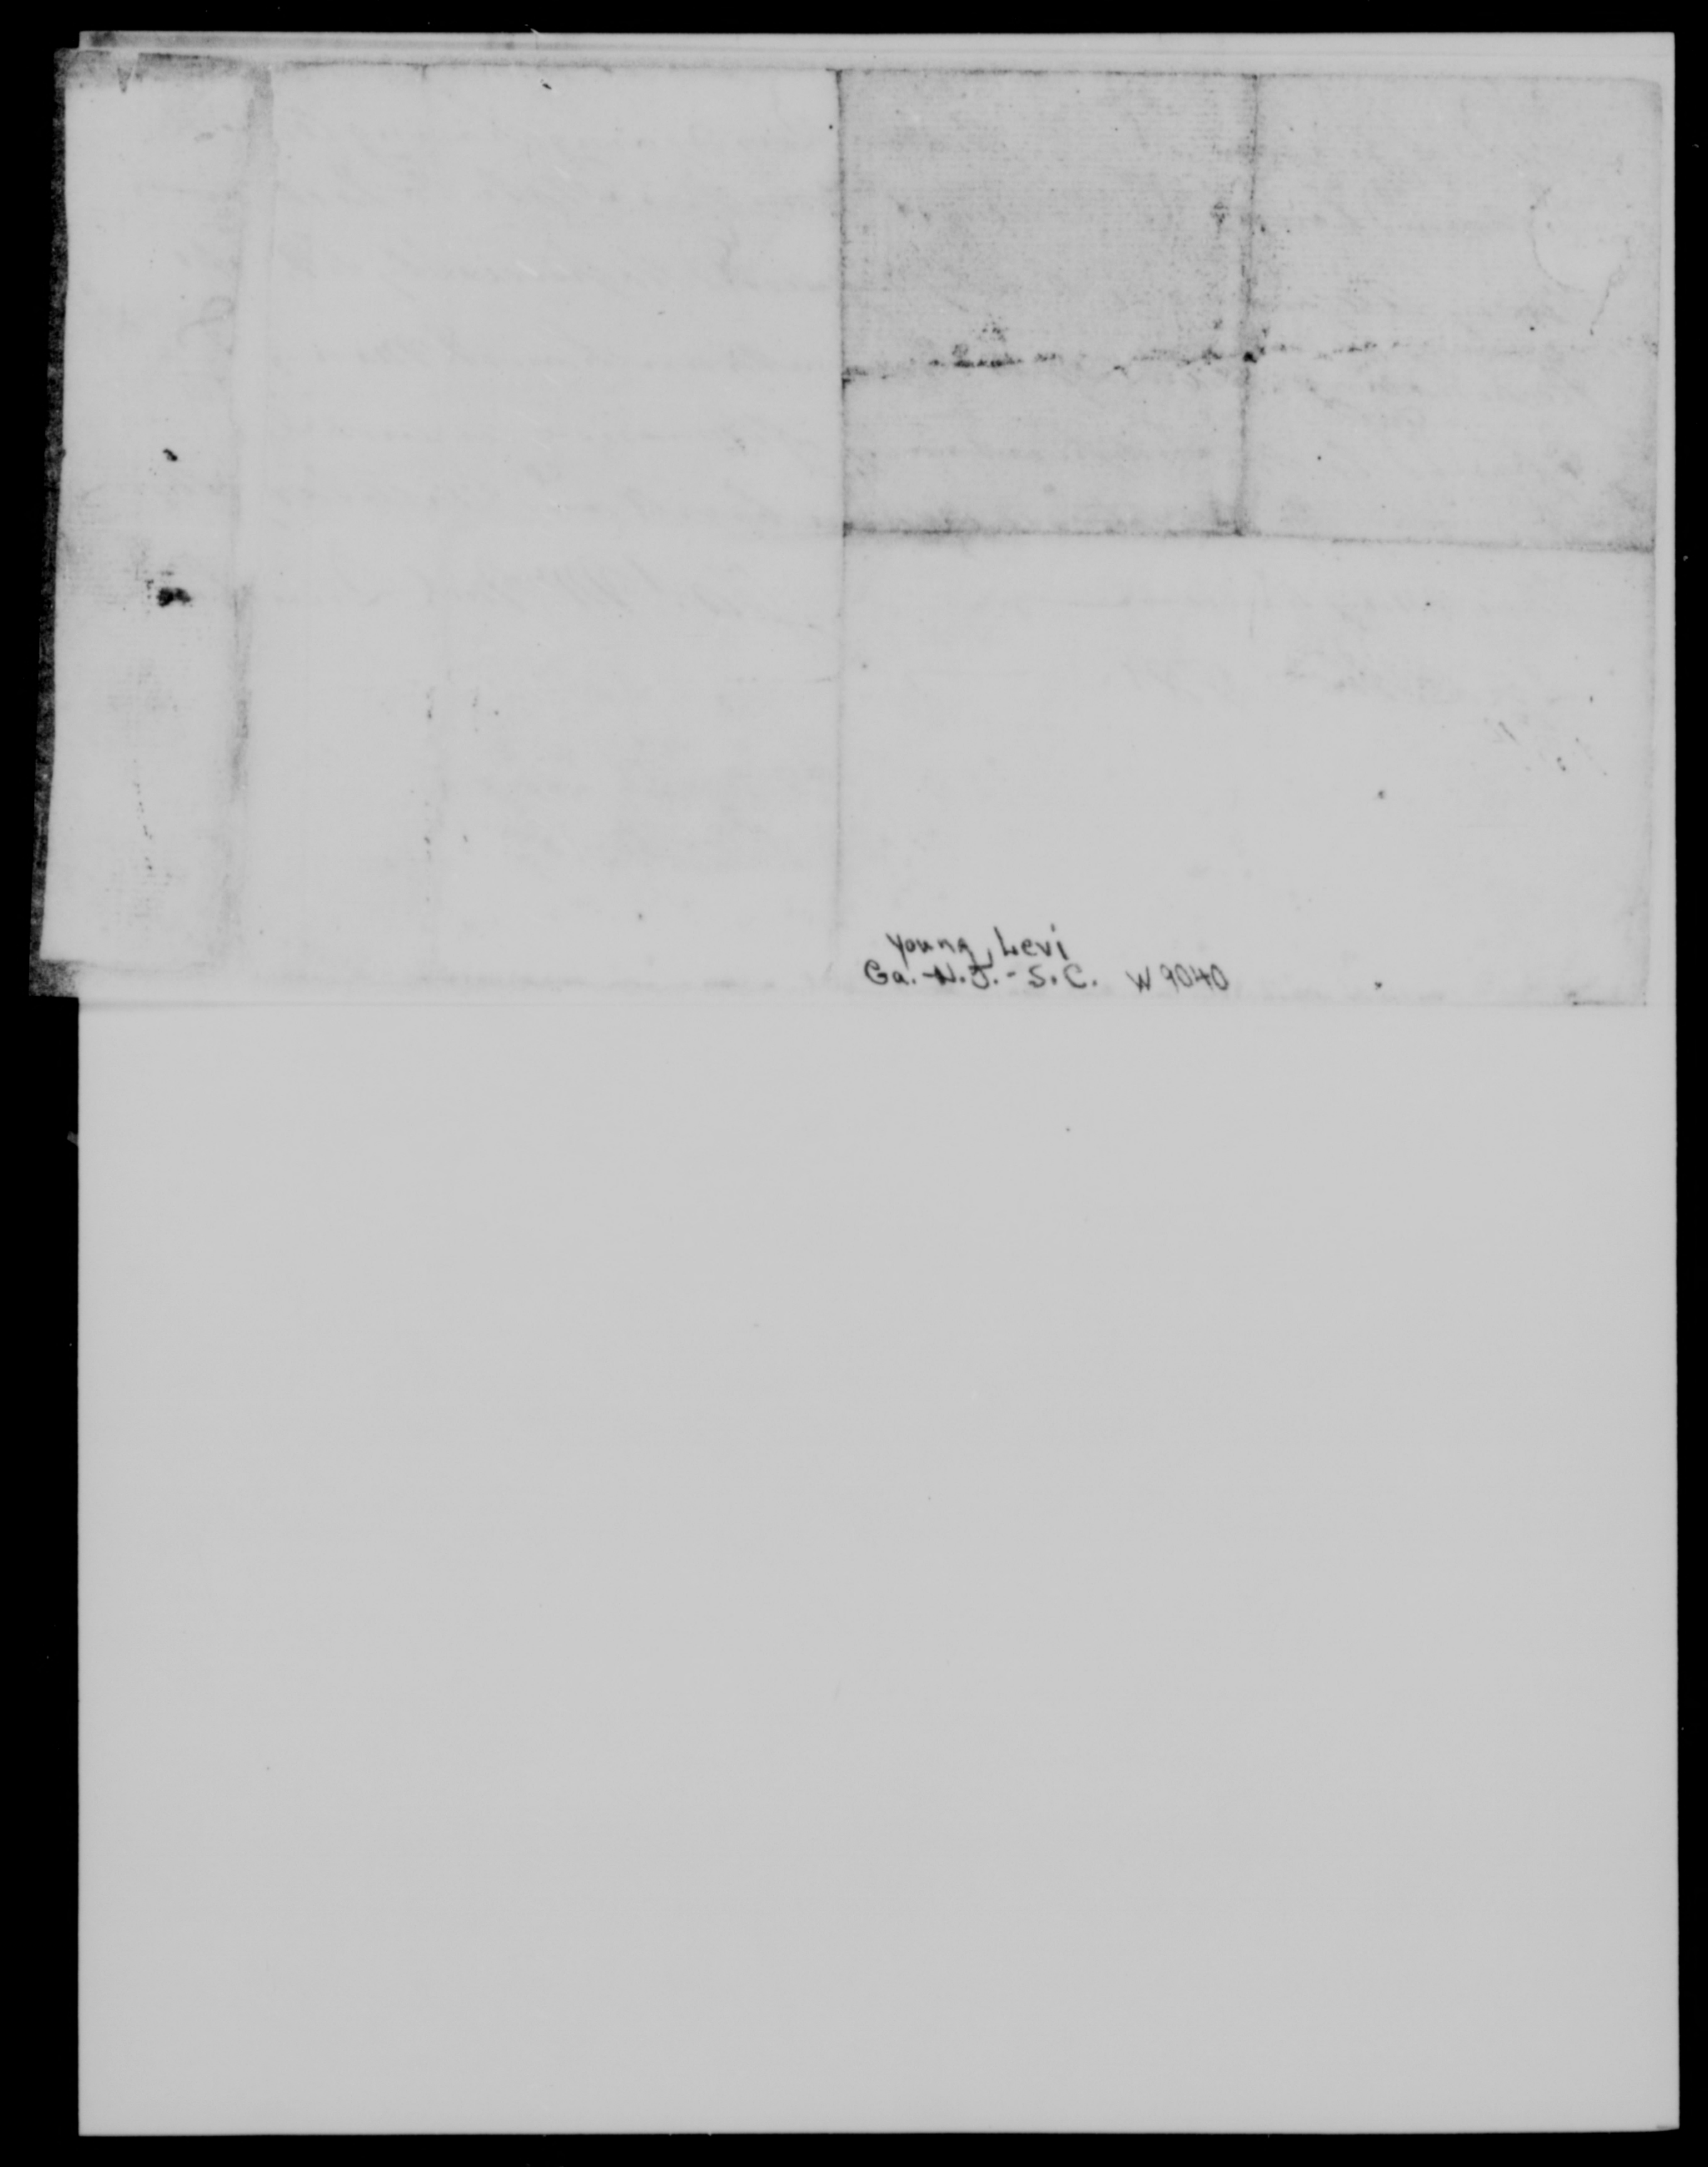Young, Levi
G. [Georgia] - N.J. [New Jersey] - S.C. [South Carolina] W 9040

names: Levi Young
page: 28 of 56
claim: widow's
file: W. 9040, Levi Young, Ga. New Jersey S.C.